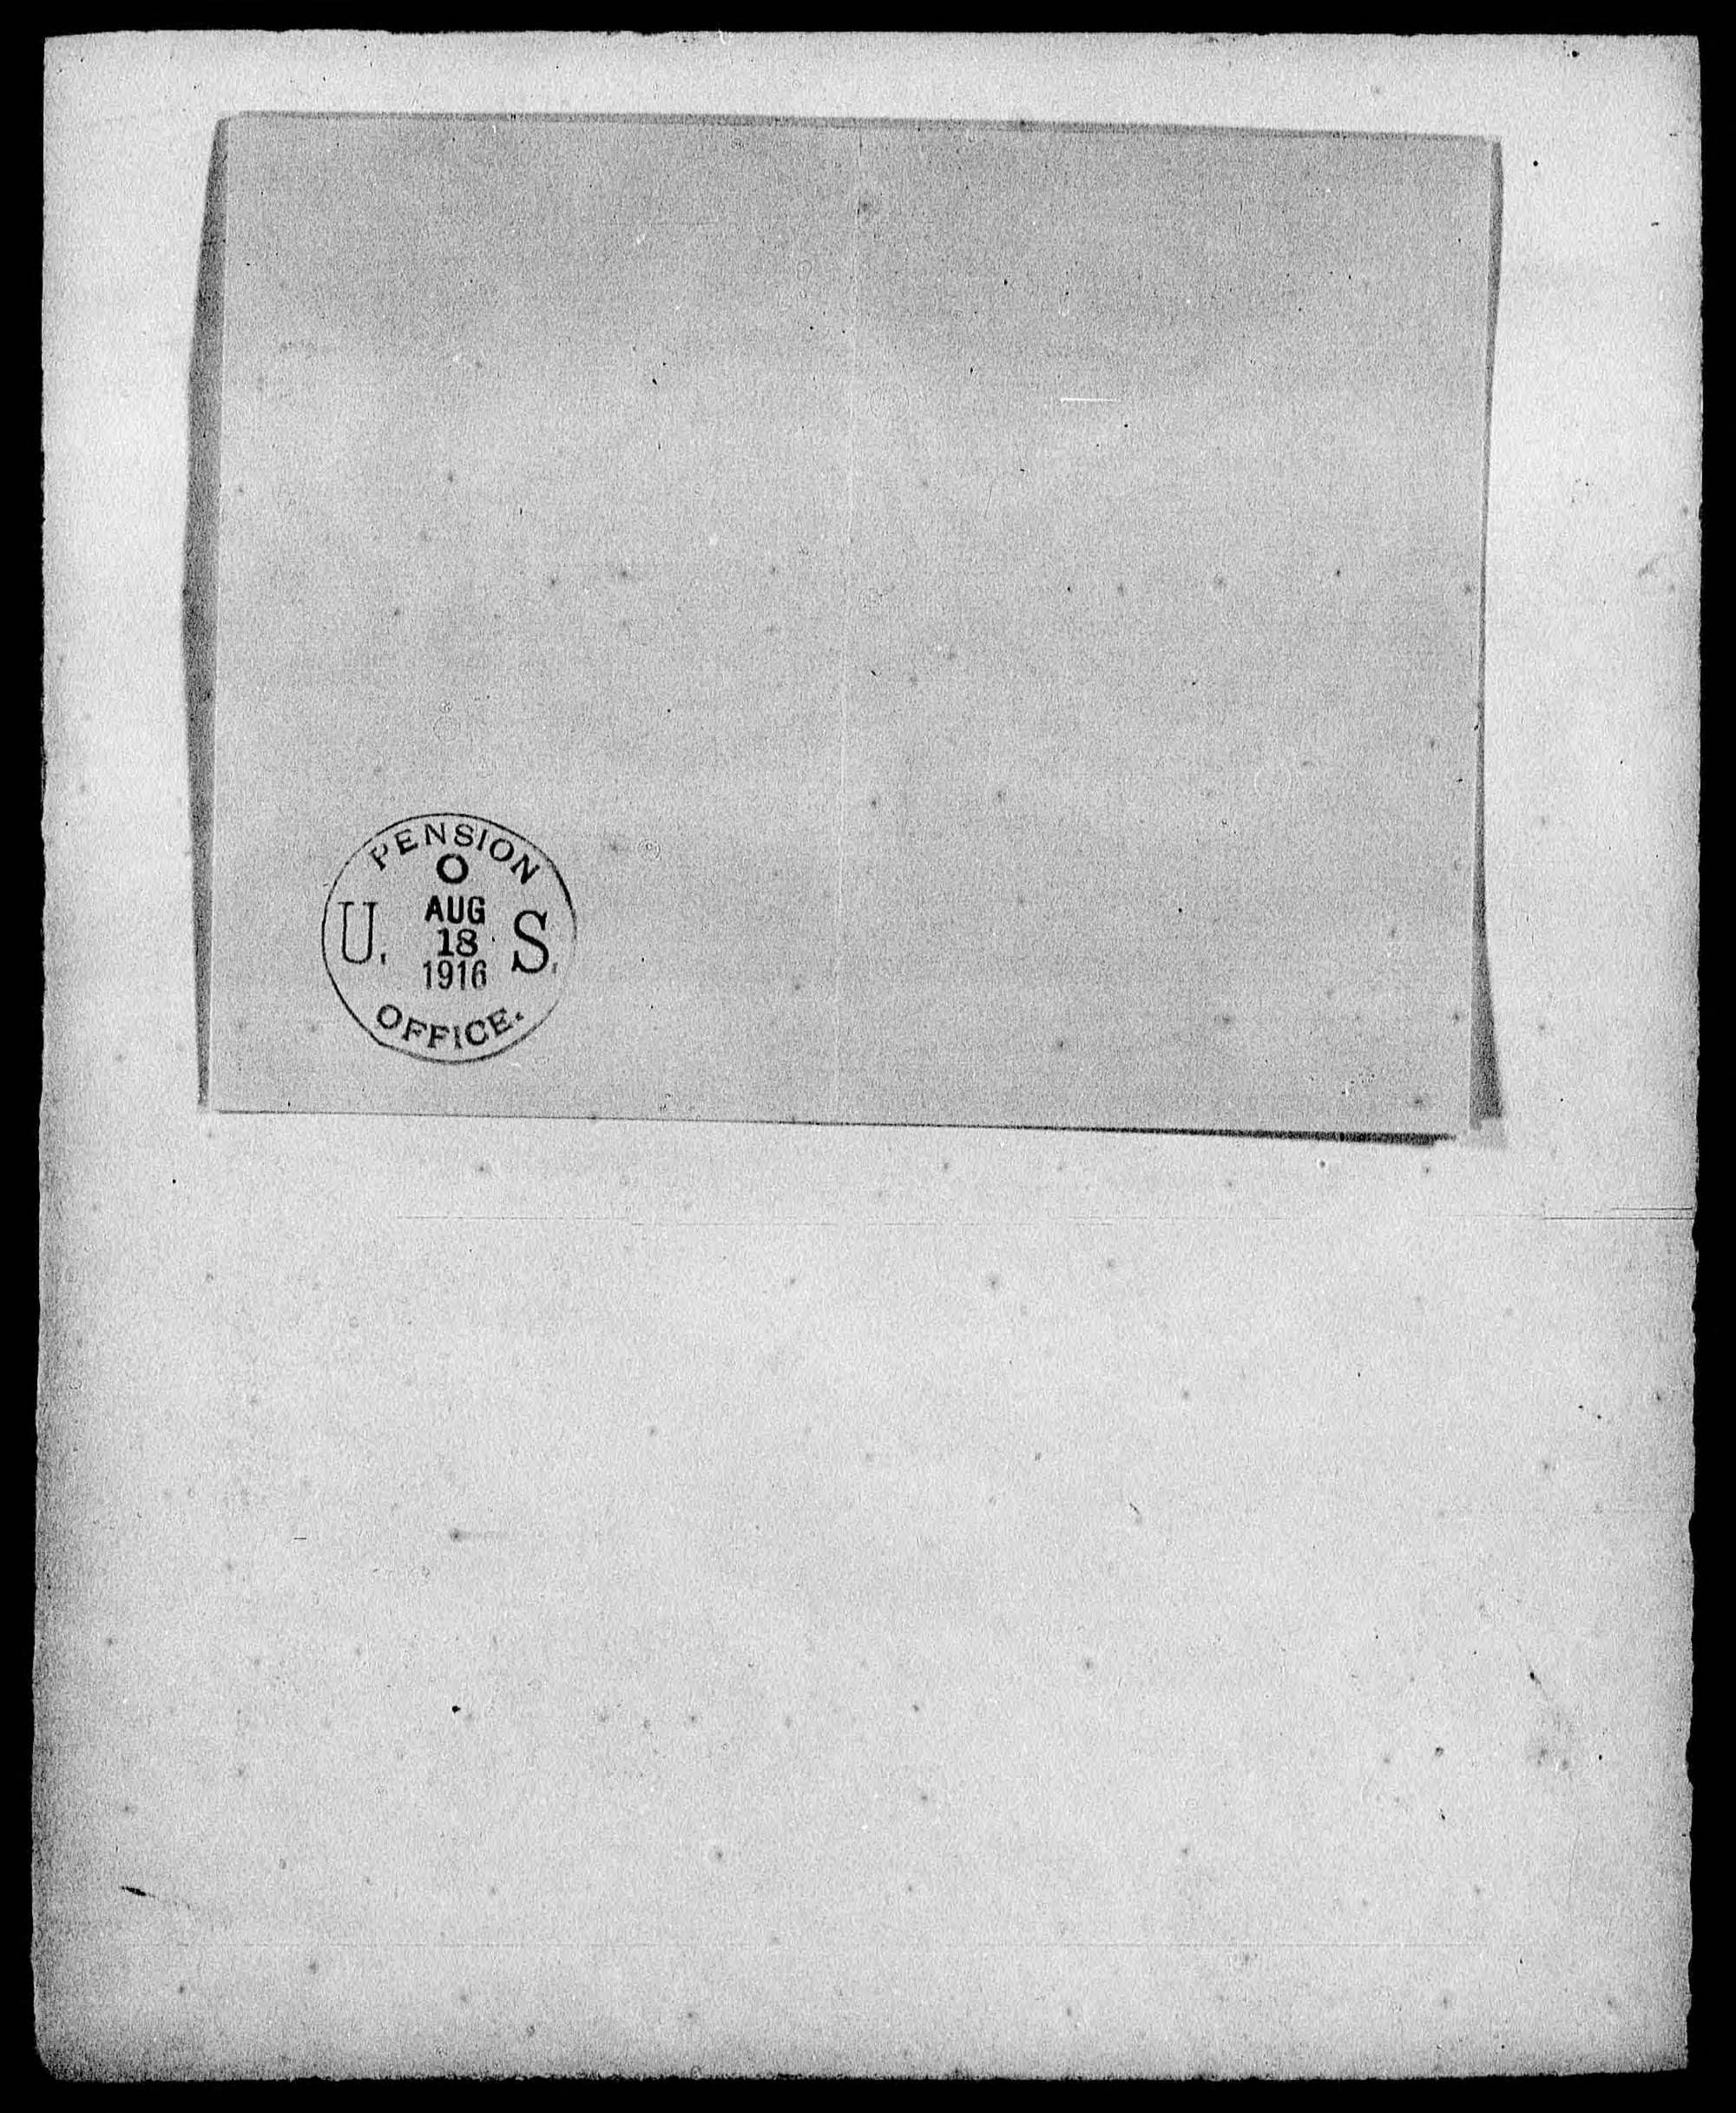U. S. PENSION OFFICE. O AUG 18 1916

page: 10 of 26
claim: survivor's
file: S. 16842, Thomas Hampton, Va.